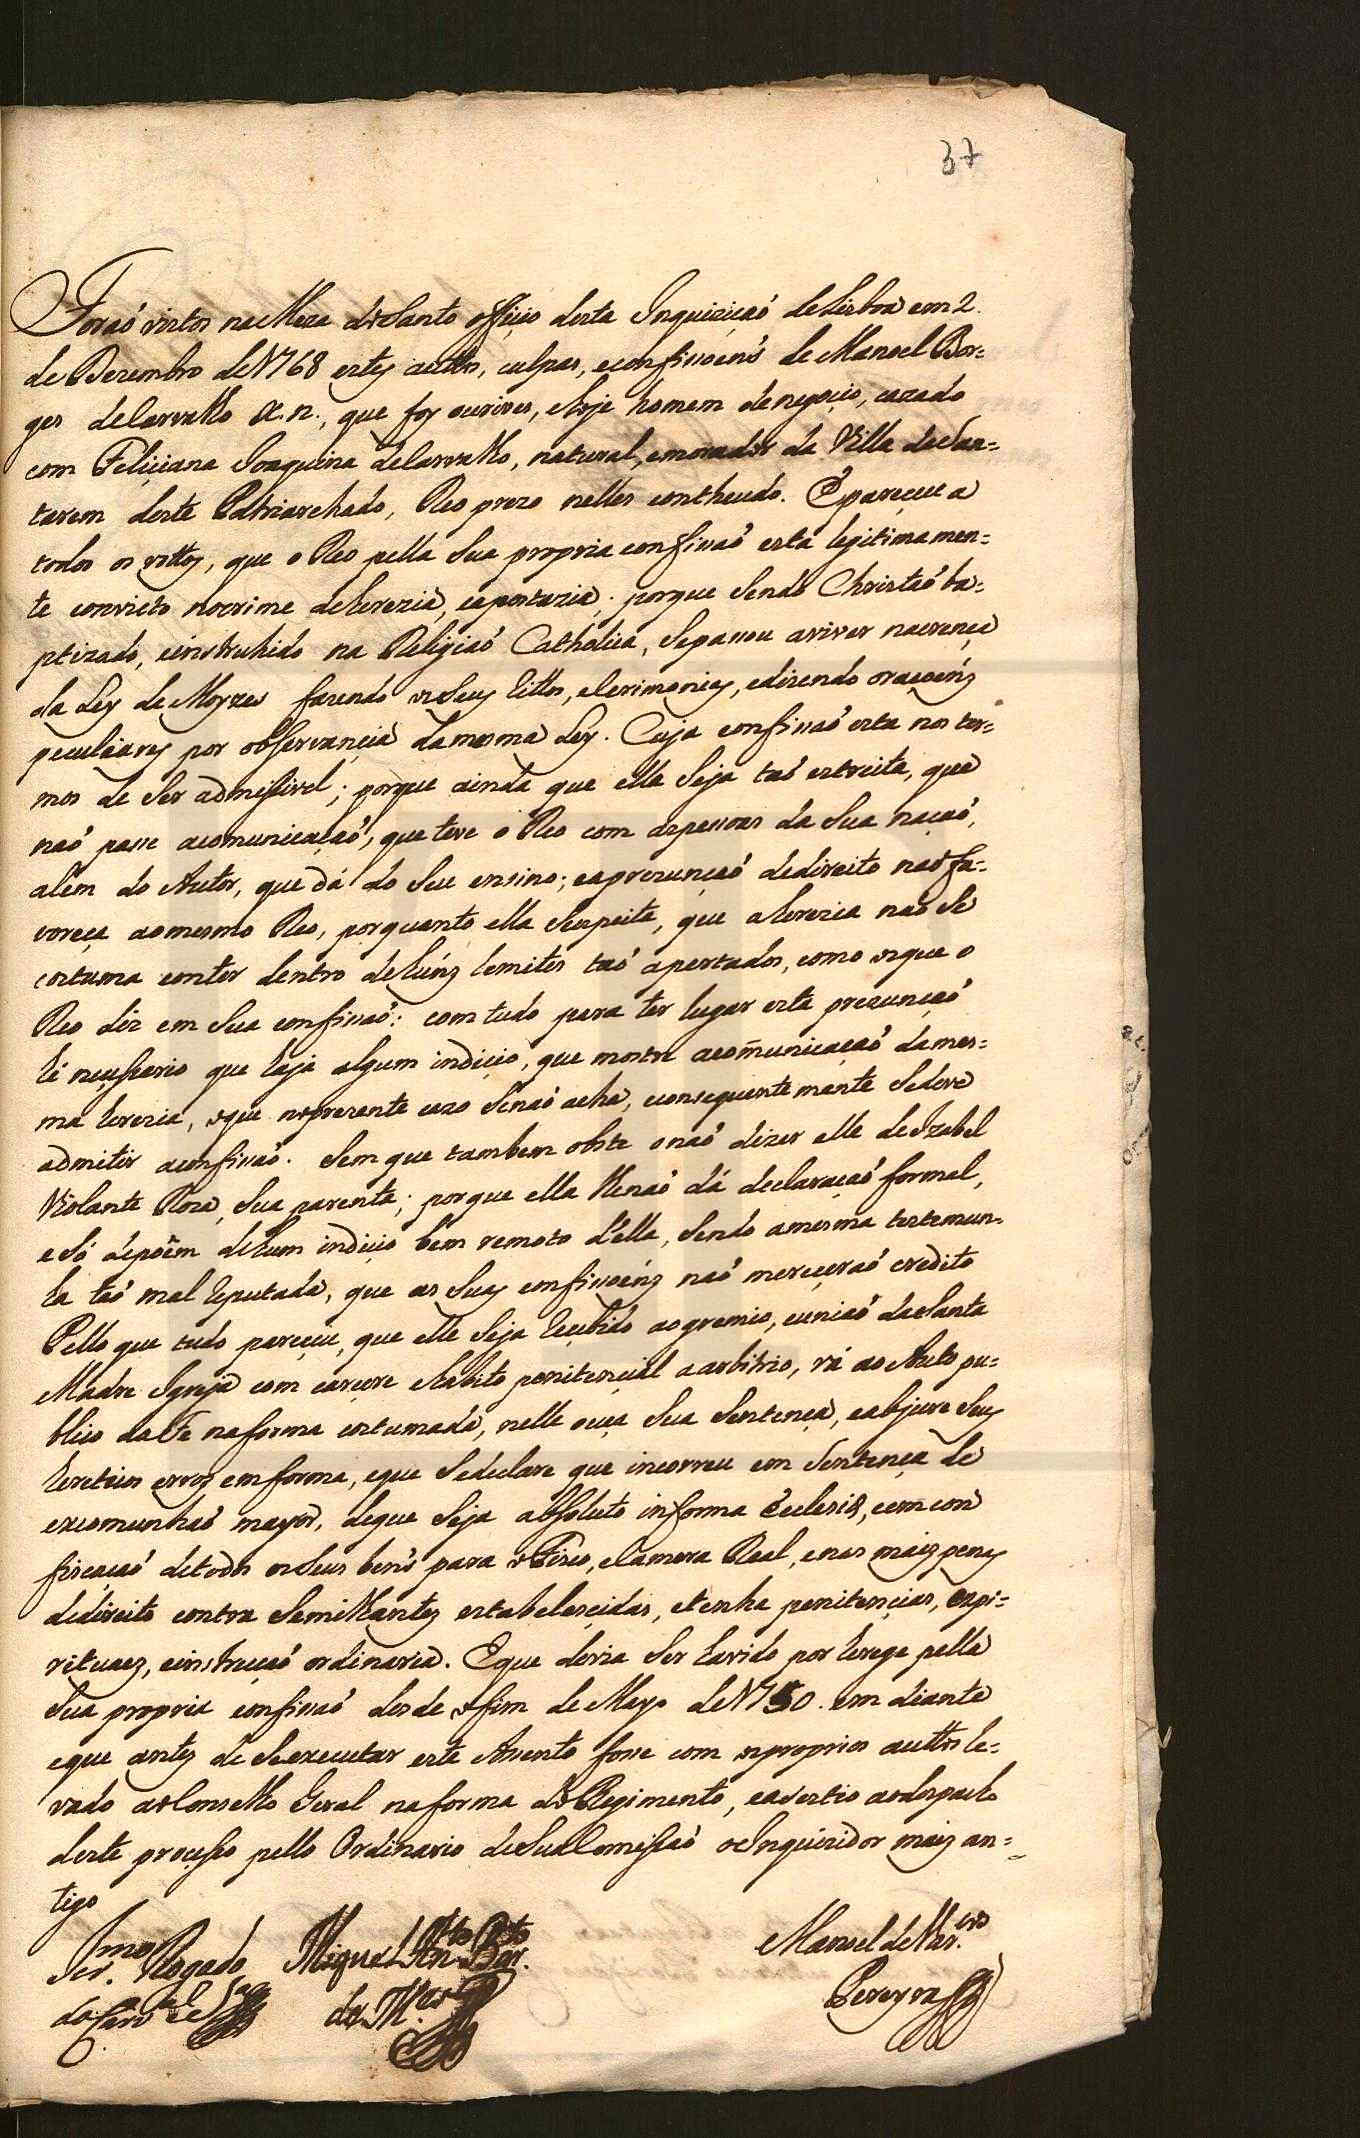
Foraõ vistos na Meza do Santo officio desta Inquiziçaõ de Lisboa em 2.
de Dezembro de 1768 estes autos, culpas, e confissoens de Manoel Bor
ges de Carvalho x. n., que foy ourives, e hoje homem de negocio, cazado
com Feliciana Ioaquina de Carvalho, natural, e morador da Villa de San
tarem deste Patriarchado, Reo prezo nelles contheudo. E pareceu a
todos os vottos, que o Reo pella Sua propria confissaõ está legitimamen
te convicto do crime de herezia e apostazia; porque Sendo Christaõ ba
ptizado, e instruhido na Religiaõ Catholica, Se passou a viver na crença
da Ley de Moyzes, fazendo os Seus Rittos, e Cerimonias, e dizendo oraçoenz
peculiares por observancia da mesma Ley. Cuja confissaõ esta nos ter
mos de Ser admissivel; porque ainda que ella seja taõ estricta, que
naõ passe a comunicaçaõ, que teve o Reo com az pessoas da Sua naçaõ,
alem do Autor, que dá do Seu ensino; e a prezunçaõ de direito naõ fa
voreça ao mesmo Reo, porquanto ella Suzpeita, que a herezia naõ Se
costuma conter dentro de huns lemites taõ apertados, como os que o
Reo diz em Sua confissaõ: comtudo para ter lugar esta prezunçaõ
hé necessario que haja algum indicio, que mostre a com̄unicaçaõ da mes
ma herezia, o que no prezente cazo Senaõ acha, e consequentemente Se deve
admitir a confissaõ. Sem que tambem obste o naõ dizer elle de Izabel
Violante Roza Sua parenta; porque ella lhe naõ dá declaraçaõ formal,
e Só depoêm de hum indicio bem remoto d'ella, sendo a mesma testemun
ha taõ mal Reputada, que as Suas cofissoenz naõ mereçeraõ credito
Pello que tudo pareceu, que elle seja Recebido ao gremio, e uniaõ da Santa
Madre Igreja com carcere e habito penitencial a arbitrio, vá ao Auto pu
blico da Fe na forma costumada, nelle ouça Sua Sentença, e abjure seus
hereticos erroz em forma, e que Se declara que incorreu em Sentença de
excomunhaõ mayor, de que Seja absoluto in forma Ecclesiæ, e em con
fiscaçaõ de todos os Seus bens para o Fisco, e Camera Real, e nas mais penas
de direito contra Semilhantes estabelescidas, e tenha penitencias, ezpi
rituaez, e instruçaõ ordinaria. E que devia Ser havido por herege pella
sua propria confissaõ desde o fim de Mayo de 1750. em diante
e que antes de Se executar este Assento fosse com os proprios auttos Le
vado ao Conselho Geral na forma do Regimento, e asestio ao despacho
deste processo pello Ordinario de Sua Comissaõ o Inquizidor mais an
tigo
Ier.mo Rogado
do Carval e Sa
Miguel An.to Bar.to
de M.es
Manoel de Vas.cos
Pereyra
